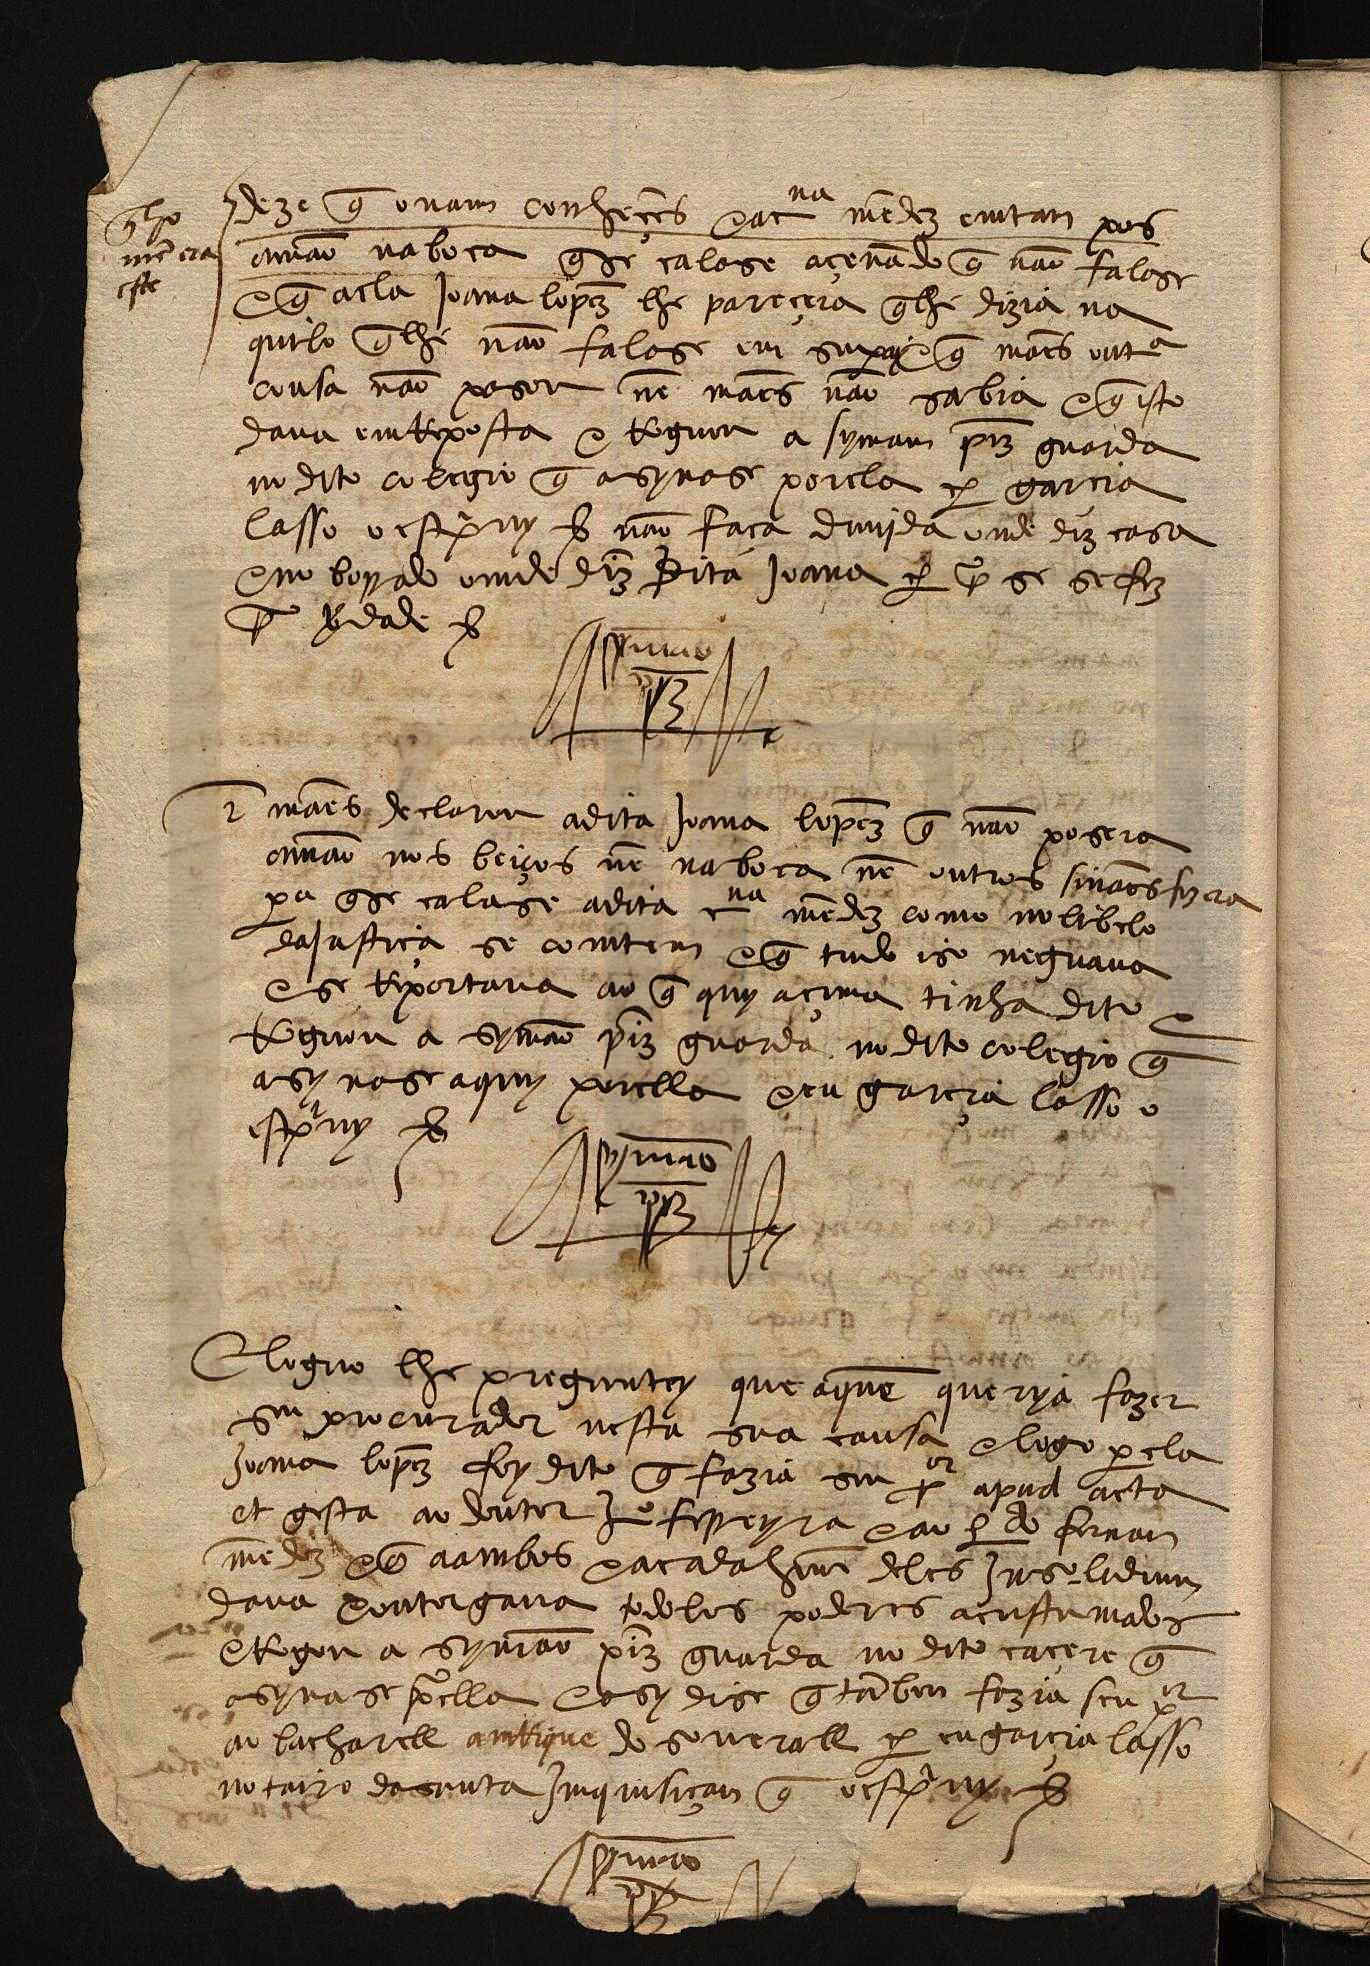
q̄ ho
mē era
este
deze q̄ o nam conhecēs e a cna m̄edez emtam pos
a mão na boca q̄ se calase acenādo q̄ não falase
e q̄ a ela Joana lopez lhe parecera q̄ lhe dizia na
quilo q̄ lhe não falase em seu pay e q̄ maes outa
cousa não pasou nē maes não sabia e q̄ isto
daua em Reposta e Roguou a symam p̄iz guarda
no djto colegio q̄ asynase por ela cꝭ garcia
lasso o estpiuy não faça duujda onde diz casa
e no borrado omde diz dita Joana cꝭ p̄o se se fez
p̄o ꝟdade
symão
p̄yz
item maes declarou a dita Joana lopez q̄ não posera
a mão nos beiços nē na boca n̄e outros sinaes fizera
ꝑa q̄ se calase a dita cna mēdez como no libelo
da Justiça se comtem e q̄ tudo iso neguaua
e se Reportaua ao q̄ quy acima tinha dito e
Roguou a symão pīz guarda no dito colegio q̄
asynase aquy por ella e eu garcia lasso o
estpiuy
symão
p̄yz
E loguo lhe preguntey que a quē querya fazer
seu procurador nesta sua causa e logo ꝑ ela
Joana lopez foy dito q̄ fazia seu ꝓor apud acta
et gesta ao doutor Jo ferreyra e ao Ldo fernam
mēdez e q̄ a ambos e a cada hūu deles Jn solidum
daua e outorgaua todolos poderes acustumados
e Rogou a symão pīz guarda no dito cacere q̄
asynase p̄o ella e asy dise q̄ tābem fazia seu por
ao bacharell amRique do souerall cꝭ eu garcia lasso
notairo da santa Jmquisiçam q̄ o estpiuy
symão
p̄yz
